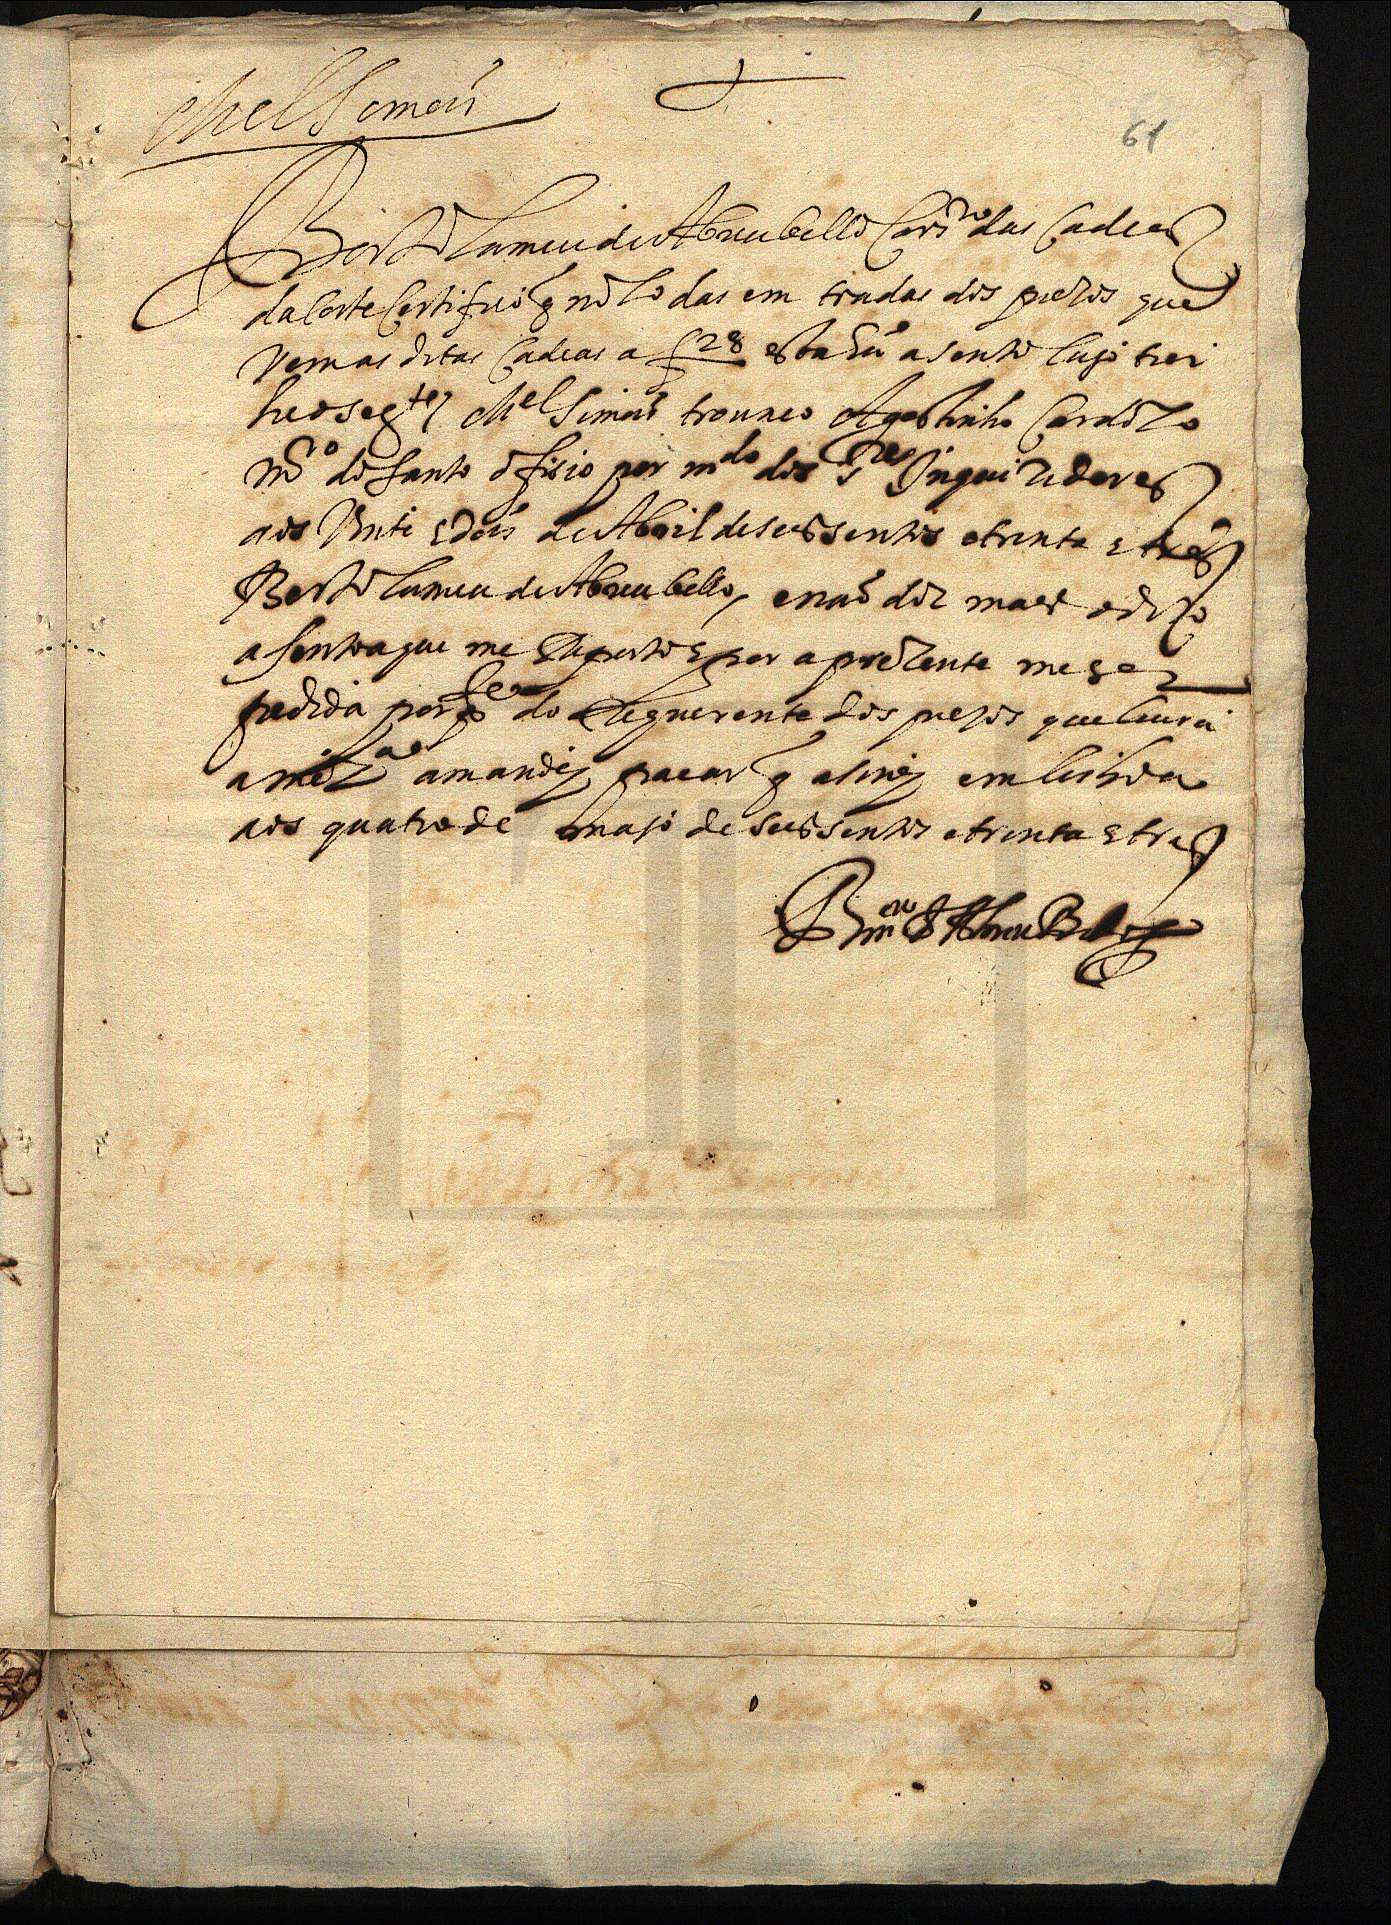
Mel Simoĩs
Bertolameu de Abreu bello Carsro das Cadeas
da Corte Certifico q̄ no Lo das emtradas dos prezos que
vem as ditas Cadeas a f 28 esta hū asento cujo teor
he o segte / Mel Simoĩs trouxeo Agostinho CardoZo
mro do santo ofisio por mdo dos sres Inquizidores
aos Vinte E dois de Abril de seissentos e trinta E tres
Bertolameu de Abreu bello, e naõ diz maes o dito
asento a que me Reporto E por a preZente me ser
pedida por pte do Requerente dos prezos que liura
a miZa a mandej pacar q̄ asinej em lisboa
aos quatro de majo de seissentos e trinta E tres
